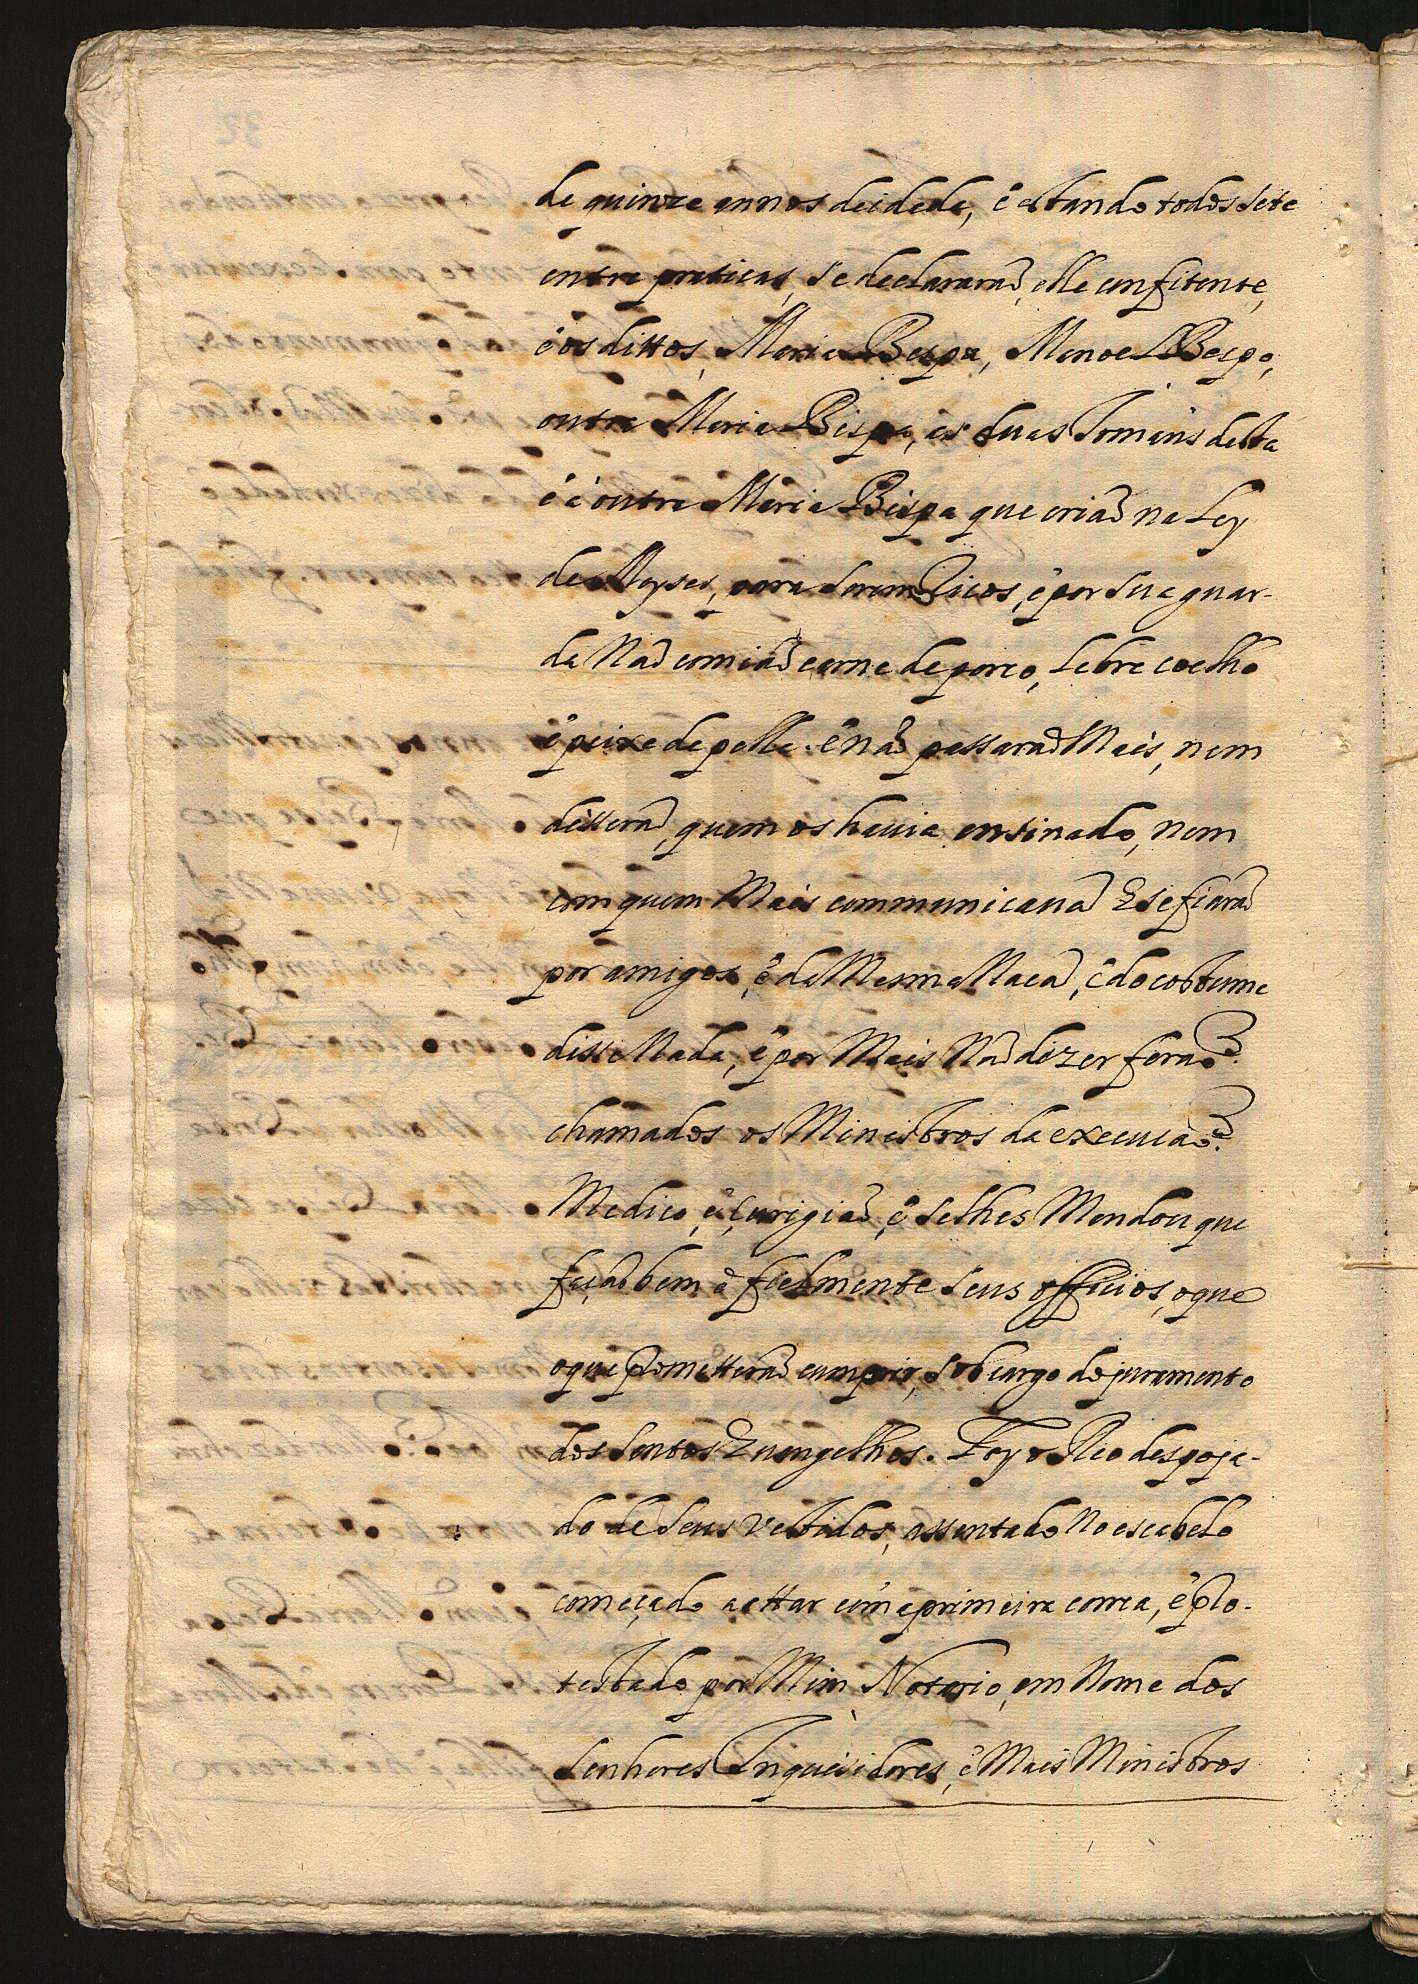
de quinze annos de idade, e estando todos sete
entre praticas, se declararaõ, elle confitente,
e os dittos, Maria Bispa, Manoel Bispo,
outr_ Maria Bispa, as duas Irmans desta
e a outra Maria Bispa que criaõ na Ley
de Moyses, para serem Ricos, e por sua guar
da Naõ comiaõ carne de porco, Lebre coelho
e peixe de pelle, e naõ passaraõ Mais, nem
disserā, quem os hauia ensinado, nem
com quem Mais communicauā E se fiaraõ
por amigos, e da Mesma Nacā, e do costume
disse Nada, e por Mais Naõ dizer forāo
chamados os Ministros da execucaõ.
Medico, e çurigiaõ, e se lhes Mandou que
façaõ bem e fielmente seus officios, o que
o que prometteraõ cumprir, sob cargo do juramento
dos Santos Euangelhos. Foy o Reo despoja
do de Seus vestidos, assentado no escabelo
começado a attar com̄ a primeira correa, e pro
testado por Mim Notario, em Nome dos
Senhores Inquisidores, e Mais Ministros
